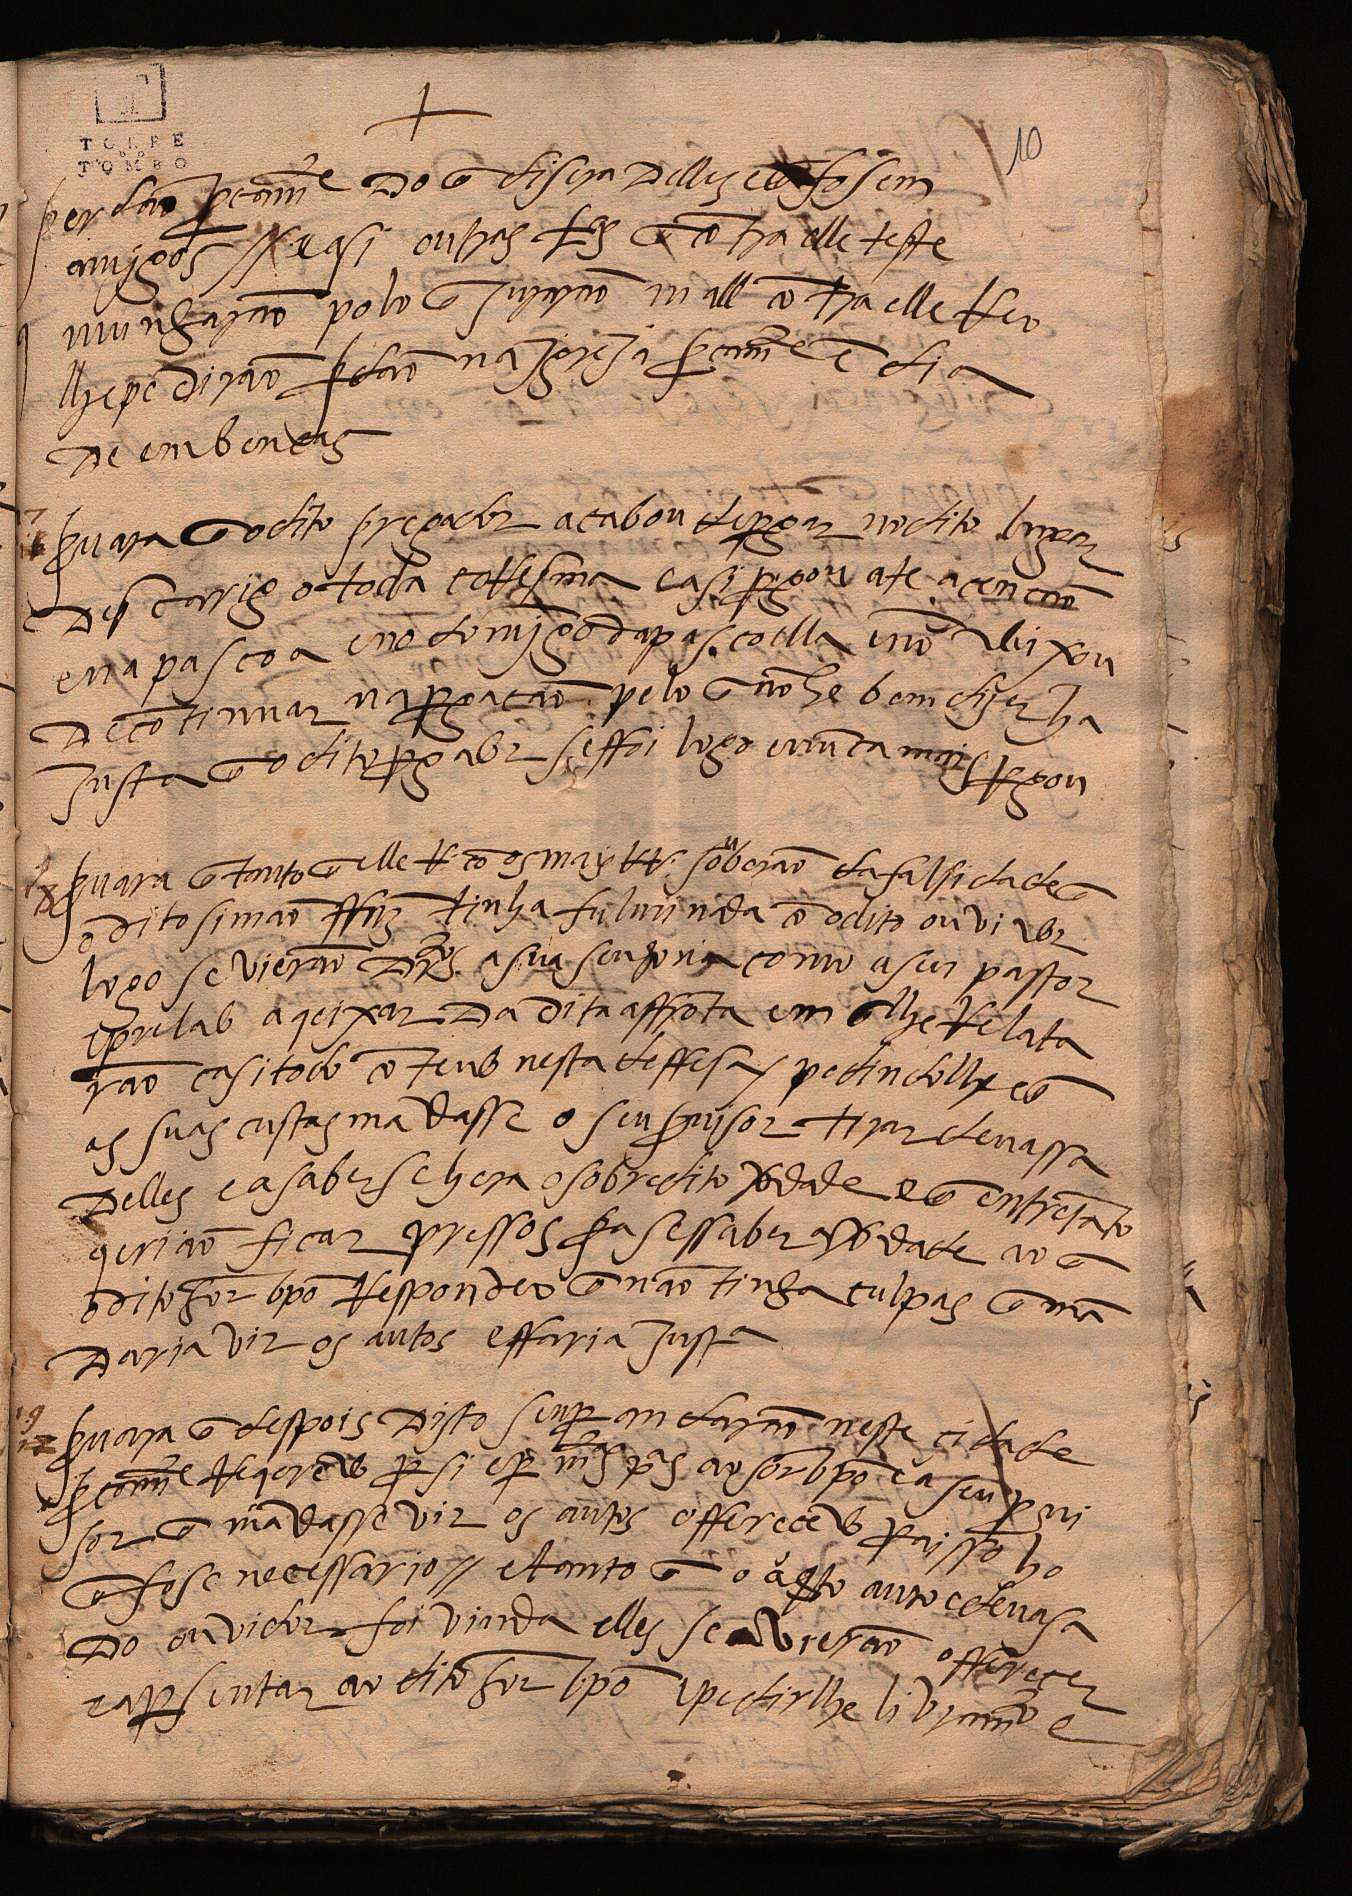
perdão ꝓcam̄te Do q̄ disera Dellez e q̄ fosem
amjgos // e asi outras tas q̄ cōtra elle teste
munharão polo q̄ Jurarão mall cōtra elle Reo
lhe pediraõ ꝑdaõ na JgreJa ꝓcam̄te ē dia
De emdoencas
7 ꝓuara q̄ o dito pregador acabou de ꝑgar no dito lugar
Descarrigo toda coResma e asi ꝑgou ate acencaõ
e na pascoa e no domj̄go da pascoella nō deixou
De cōtinuar na ꝑgacaõ pelo q̄ nō he bem dizer ha
Justa q̄ o dito ꝑgador se ffoi logo e nūca mais ꝑgou
8 ꝓuara q̄ tanto q̄ elle R cō os mais RR. souberão da falsidade q̄
o dito simaõ ffrz̄ tinha fulminada cō o dito ouvidor
logo se vierão Drtos. a sua senhoria como a seos pastor
e prelado a qeixar Da dita affrōta em q̄ lhe Relata
rão casi todo cōteudo nesta deffesa / pedindolhe e q̄
as suas custas mādasse o seu ꝓujsor tirar deuassa
Delles e a saber se hera o sobredito ꝟdade e q̄ entretāto
qeriaõ ficar pressos ꝑa se ssaber a ꝟdade ao q̄
o dito s̄or bpō Respondeo q̄ não tinha culpas q̄ mā
Daria vir os autos e ffaria Justa
19 ꝓuara q̄ despois Disto senꝑ amdarão nesta çidade
ꝓcam̄te Reqerēdo ꝑ si e ꝑ mtas pas. ao sōr bpō e a seu ꝓui
sor q̄ mādasse vir os autos offereçēdo ꝑa isso ho
q̄ fose necessario // e tanto q̄ o a_to auto e deuasa
Do ouvidor foi vinda elles se _vierão offerecer
e aꝑsentar ao dito sōr bpō e pedirlhe livramto e
